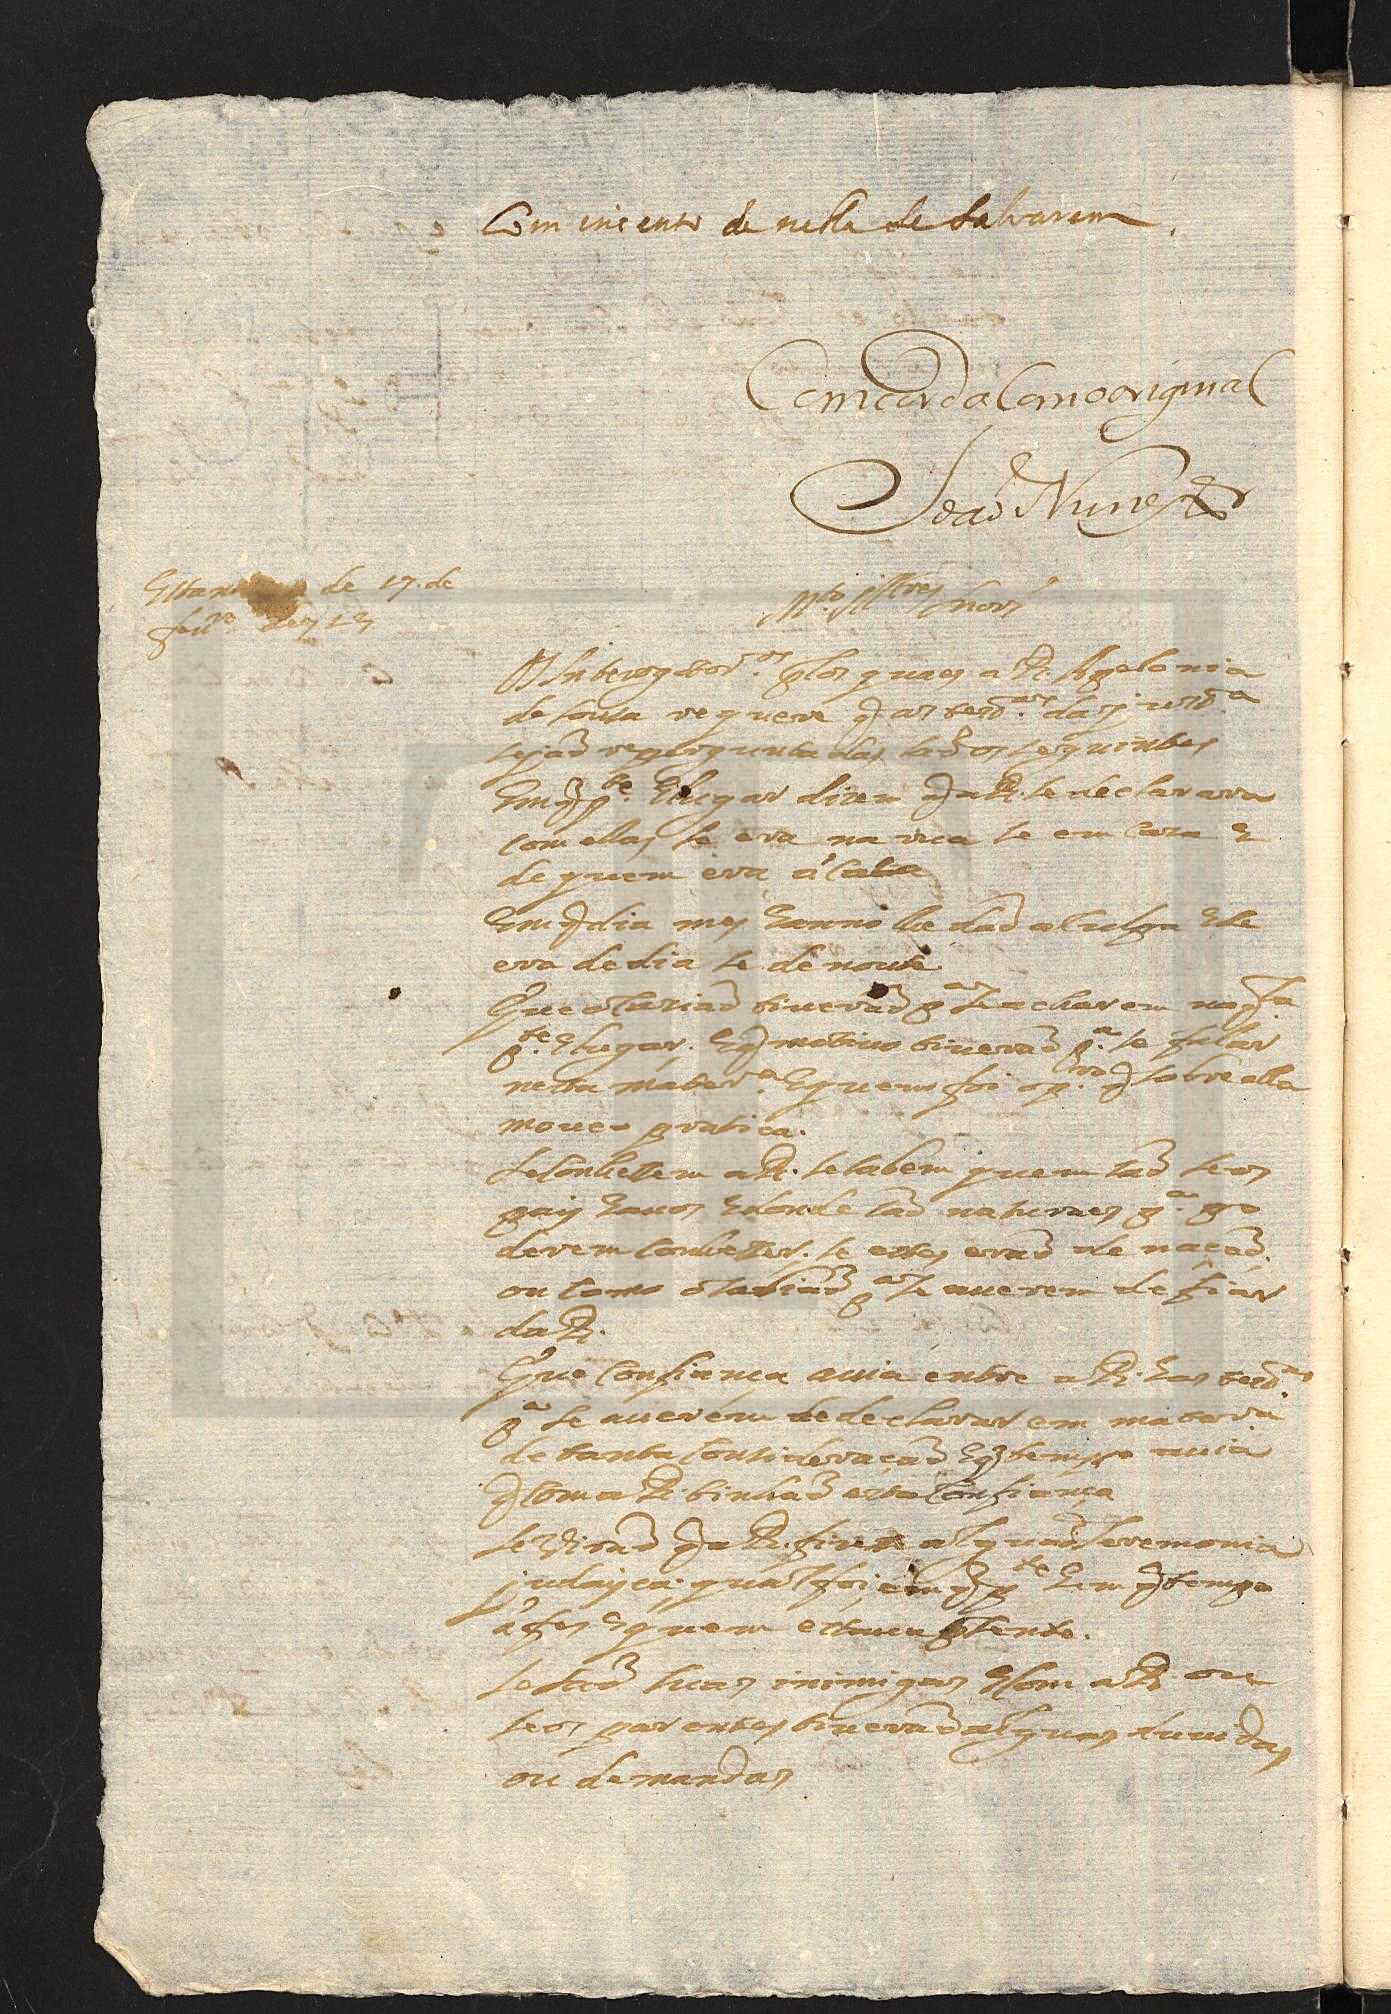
Estan_
feuro
de 17. de
de 713
Com intento de nella se salvarem
Comcorda Com o original
Ioaõ Nunes xer
M.to Illtres snors̄
OS Interogator.os plos quaes a R. Apelonia
de sousa requere q̄ as test.as da just.a
sejaõ reperguntadas saõ os seguintes
Em q̄ pte. E lugar dizem q̄ a R. se declarara
com ellas se era na rua se em caza E
de quem era á casa
Em q̄ dia mes E anno lhe daõ a Culpa E se
era de dia se de noute.
Que ocaziaõ tiueraõ pa se acharem naq.la
p.te E lugar. E q̄ motiuo tiueraõ p.a se falar
nesta mater.a E quem foi o p.ro q̄ sobre ella
moueo pratica.
se Conhessem a R. se sabem quem saõ seos
pais E auos E donde saõ naturaes pa. po
derem conhesser; se estes eraõ de naçaõ;
ou como o sabiaõ pa se auerem de fiar
da R.
Que Confiança auia entre a R. E as test.as
p.a se auerem de declarar em mater.a
de tanta Consideraçaõ E q̄ tempo auia
q̄ com a R. tinhaõ esta Confiança
se virão q̄ a R. fizese alguā seremonia
judayca; qual foi, em q̄ pte E em q̄ tempo
a fes E quem estaua p̄sente.
se saõ suas inimigas E Com a R ou
seos parentes tiueraõ alguas duuidas
ou demandas
